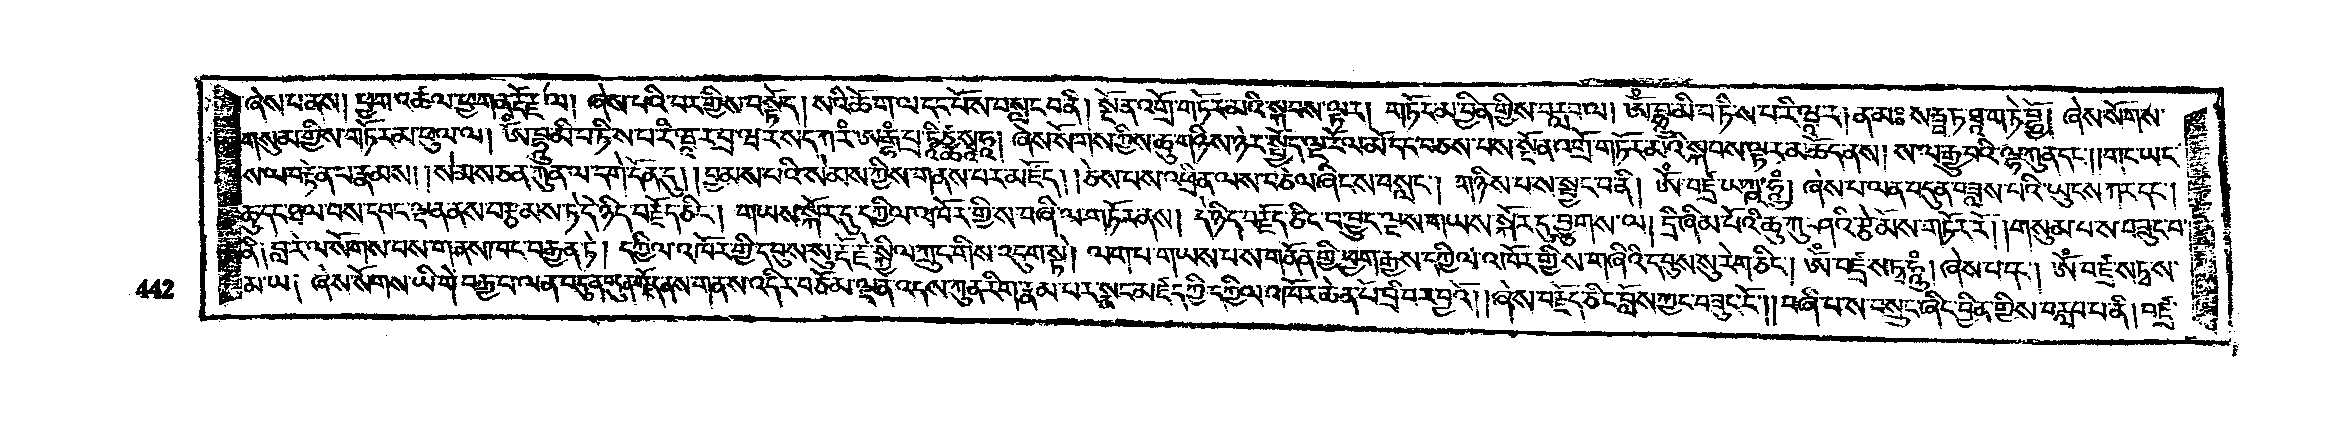ཞེས་པ་ནས། ཕྱག་འཚལ་ཕྱག་ན་རྡོ་རྗེ་ལ། ཞེས་པའི་བར་གྱིས་བསྟོད། སའི་ཆོ་ག་ལ་དང་པོས་བསླང་བ་ནི། སྔོན་འགྲོ་གཏོར་མའི་སྐབས་ལྟར། གཏོར་མ་བྱིན་གྱིས་བརླབ་ལ། ཨོཾ་བྷཱུ་མི་པ་ཏི་ས་པ་རི་ཝཱ་ར། ན་མཿ སརྦྦ་ཏ་ཐཱ་ག་ཏེ་བྷྱོ། ཞེས་སོགས་
གསུམ་གྱིས་གཏོར་མ་ཕུལ་ལ། ཨོཾ་བྷཱུ་མི་པ་ཏི་ས་པ་རི་ཝཱ་ར་པྲ་ཝ་ར་སད་ཀ་རཾ་ཨརྒྷཾ་པྲ་ཏཱི་ཙྪ་སྭཱཧཱ། ཞེས་སོགས་ཀྱིས་ཆུ་གཉིས་ཉེར་སྤྱོད་ལྔ་རོལ་མོ་དང་བཅས་པས་སྔོན་འགྲོ་གཏོར་མའི་སྐབས་ལྟར་མཆོད་ནས། ས་ལ་རྒྱུ་བའི་ལྷ་ཀུན་དང་། །གང་ཡང་
ས་ལ་བརྟེན་པ་རྣམས། །སེམས་ཅན་ཀུན་ལ་དགེ་དོན་དུ། །བྱམས་པའི་སེམས་ཀྱིས་གནས་པར་མཛོད། །ཅེས་པས་འཕྲིན་ལས་བཙལ་ཞིང་ས་བསླང་། གཉིས་པ་ས་སྦྱང་བ་ནི། ཨོཾ་བཛྲ་ཡཀྵ་ཧཱུཾ། ཞེས་པ་ལན་བདུན་བཟླས་པའི་ཡུངས་ཀར་དང་།
ཆུ་དང་ཐལ་བས་དབང་ལྡན་ནས་བརྩམས་ཏེ་དེ་ཉིད་བརྗོད་ཅིང་། གཡས་སྐོར་དུ་དཀྱིལ་འཁོར་གྱི་ས་བཞི་ལ་གཏོར་ནས། དེ་ཉིད་བརྗོད་ཅིང་བ་བྱུང་ལྔས་གཡས་སྐོར་དུ་བྱུགས་ལ། དྲི་ཞིམ་པོའི་ཆུ་ཀུ་ཤའི་རྩེ་མོས་གཏོར་རོ། །གསུམ་པ་ས་བཟུང་བ་
ནི། བླ་རེ་ལ་སོགས་པས་གནས་ཁང་བརྒྱན་ཏེ། དཀྱིལ་འཁོར་གྱི་དབུས་སུ་རྡོ་རྗེ་སྐྱིལ་ཀྲུང་གིས་འདུག་སྟེ། ལག་པ་གཡས་པ་ས་གནོན་གྱི་ཕྱག་རྒྱས་དཀྱིལ་འཁོར་གྱི་ས་གཞིའི་དབུས་སུ་རེག་ཅིང་། ཨོཾ་བཛྲ་སཏྭ་ཧཱུཾ། ཞེས་པ་དང་། ཨོཾ་བཛྲ་སཏྭ་ས་
མ་ཡ། ཞེས་སོགས་ཡི་གེ་བརྒྱ་པ་ལན་བདུན་བདུན་བརྗོད་ནས་གནས་འདིར་བཅོམ་ལྡན་འདས་ཀུན་རིག་རྣམ་པར་སྣང་མཛད་ཀྱི་དཀྱིལ་འཁོར་ཆེན་པོ་བྲི་བར་བྱའོ། །ཞེས་བརྗོད་ཅིང་བློས་ཀྱང་བཟུང་ངོ། །བཞི་པ་ས་བསྲུང་ཞིང་བྱིན་གྱིས་བརླབ་པ་ནི། བཛྲ་